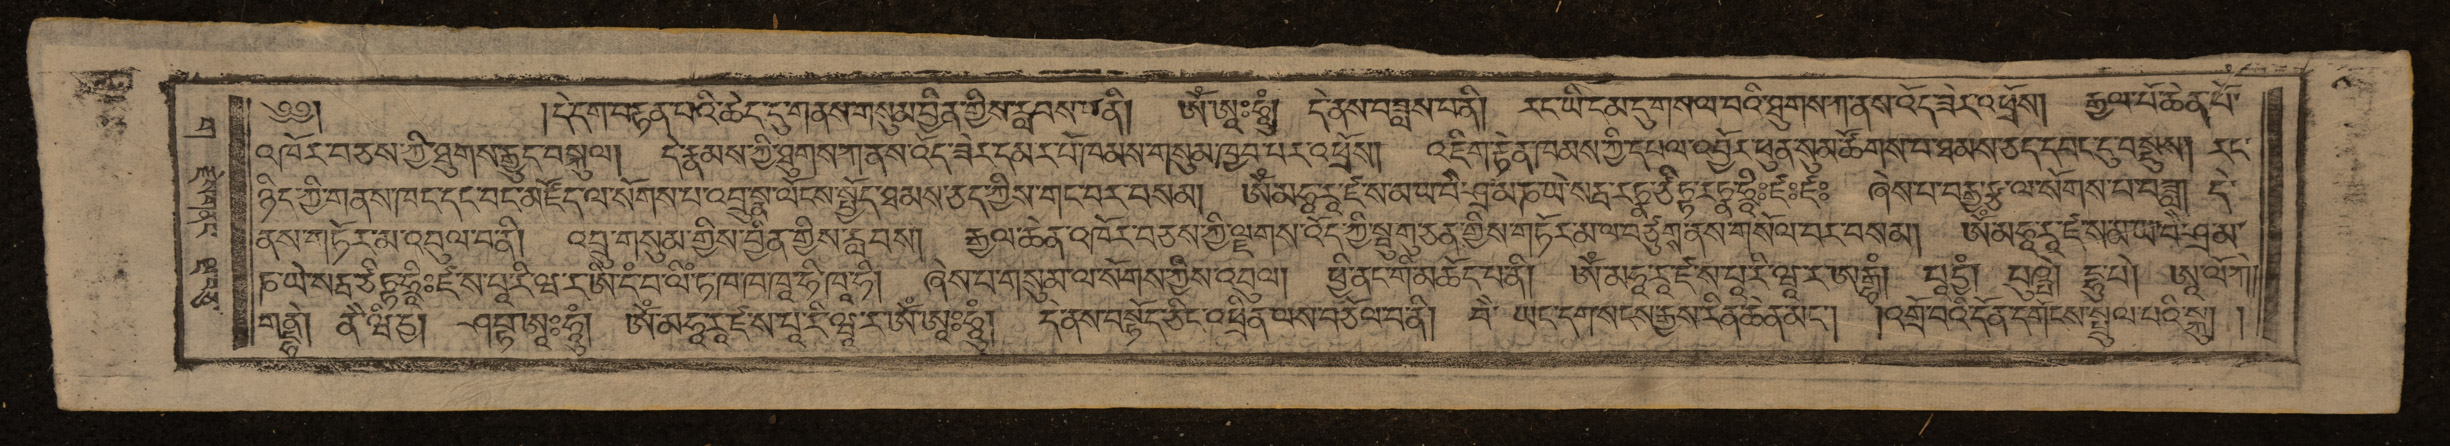༄༅། །དེ་དག་བརྟན་པའི་ཆེད་དུ་གནས་གསུམ་བྱིན་གྱིས་རླབས་པ་ནི། ཨོཾ་ཨཱཿཧཱུཾ། དེ་ནས་བཟླས་པ་ནི། རང་ཡི་དམ་དུ་གསལ་བའི་ཐུགས་ཀ་ནས་འོད་ཟེར་འཕྲོས། རྒྱལ་པོ་ཆེན་པོ་
འཁོར་བཅས་ཀྱི་ཐུགས་རྒྱུད་བསྐུལ། དེ་རྣམས་ཀྱི་ཐུགས་ཀ་ནས་འོད་ཟེར་དམར་པོ་ཁམས་གསུམ་ཁྱབ་པར་འཕྲོས། འཇིག་རྟེན་ཁམས་ཀྱི་དཔལ་འབྱོར་ཕུན་སུམ་ཚོགས་པ་ཐམས་ཅད་དབང་དུ་བསྡུས། རང་
ཉིད་ཀྱི་གནས་ཁང་དང་བང་མཛོད་ལ་སོགས་པ་འབྲུ་སྣ་ལོངས་སྤྱོད་ཐམས་ཅད་ཀྱིས་གང་བར་བསམ། ཨོཾ་མཧཱ་རཱ་ཛ་ས་མ་ཡ་བཻ་ཤྲ་མ་ཎ་ཡེ་སརྦ་རཏྣ་ཙིཏྟ་རཏྣ་ཧྲཱིཿཛཿཛཿ ཞེས་པ་བརྒྱ་རྩ་ལ་སོགས་པ་བཟླ། དེ་
ནས་གཏོར་མ་འབུལ་བ་ནི། འབྲུ་གསུམ་གྱིས་བྱིན་གྱིས་རླབས། རྒྱལ་ཆེན་འཁོར་བཅས་ཀྱི་ལྗགས་འོད་ཀྱི་སྦུ་གུ་ཅན་གྱིས་གཏོར་མ་ལ་བཙུགས་ནས་གསོལ་བར་བསམ། ཨོཾ་མཧཱ་རཱ་ཛ་ས་མ་ཡ་བཻ་ཤྲ་མ་
ཎ་ཡེ་སརྦ་ཙིཏྟ་ཧྲཱིཿཛ་ས་པཱ་རི་ཝ་ར་ཨི་དཾ་བ་ལིཾ་ཏ་ཁ་ཁ་ཁཱ་ཧི་ཁཱ་ཧི། ཞེས་པ་གསུམ་ལ་སོགས་ཀྱིས་འབུལ། ཕྱི་ནང་གི་མཆོད་པ་ནི། ཨོཾ་མཧཱ་རཱ་ཛ་ས་པཱ་རི་ཝཱ་ར་ཨརྒྷཾ། པཱདྱཾ། པུཥྤེ། དྷུ་པེ། ཨཱ་ལོ་ཀེ།
གནྡྷེ། ནཻ་ཝི་དྱ། ཤཔྟ་ཨཱཿཧཱུཾ། ཨོཾ་མཧཱ་རཱ་ཛ་ས་པཱ་རི་ཝཱ་ར་ཨོཾ་ཨཱཿཧཱུཾ། དེ་ནས་བསྟོད་ཅིང་འཕྲིན་ལས་བཅོལ་བ་ནི། བཻ་ཡང་དག་སངས་རྒྱས་རིན་ཆེན་མང་། །འགྲོ་བའི་དོན་དགོངས་སྤྲུལ་པའི་སྐུ། །